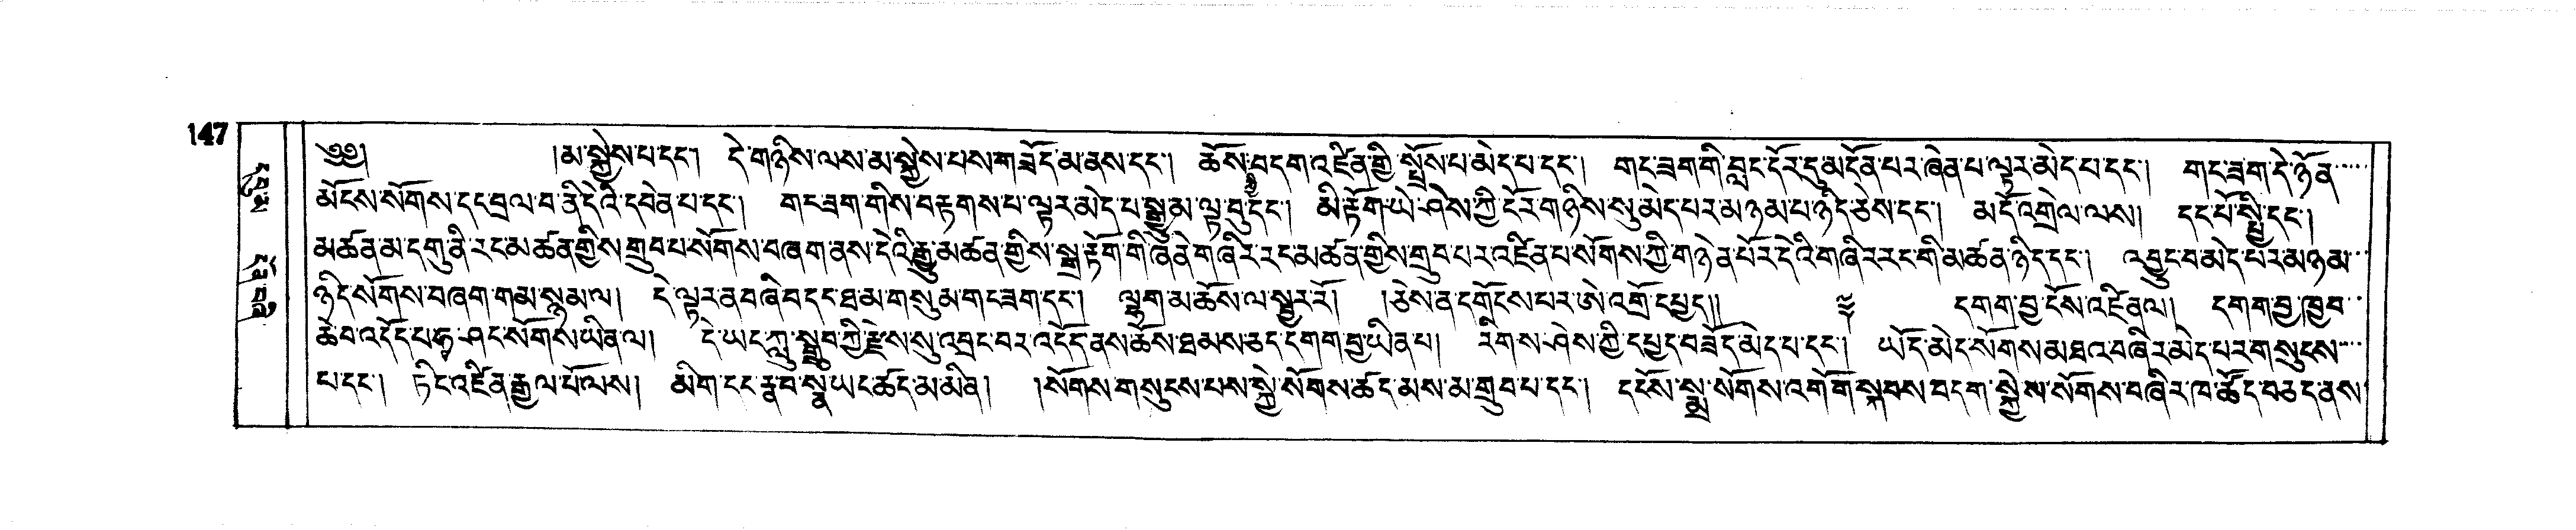༄༅། །མ་སྐྱེས་པ་དང་། དེ་གཉིས་ལས་མ་སྐྱེས་པས་གཟོད་མ་ནས་དང་། ཆོས་ཀྱི་བདག་འཛིན་གྱི་སྤྲོས་པ་མེད་པ་དང་། གང་ཟག་གི་བླང་དོར་དུ་མངོན་པར་ཞེན་པ་ལྟར་མེད་པ་དང་། གང་ཟག་དེ་ཉོན་
མོངས་སོགས་དང་བྲལ་བ་ནི་དེའི་དབེན་པ་དང་། གང་ཟག་གིས་བརྟགས་པ་ལྟར་མེད་པ་སྒྱུ་མ་ལྟ་བུ་དང་། མི་རྟོག་ཡེ་ཤེས་ཀྱི་ངོར་གཉིས་སུ་མེད་པར་མཉམ་པ་ཉིད་ཅེས་དང་། མདོ་འགྲེལ་ལས། དང་པོ་སྤྱི་དང་།
མཚན་མ་དགུ་ནི་རང་མཚན་གྱིས་གྲུབ་པ་སོགས་བཞག་ནས་དེའི་རྒྱུ་མཚན་གྱིས་སྒྲ་རྟོག་གི་ཞིན་གཞིར་རང་མཚན་གྱིས་གྲུབ་པར་འཛིན་པ་སོགས་ཀྱི་གཉེན་པོར་དེའི་གཞིར་རང་གི་མཚན་ཉིད་དང་། འབྱུང་བ་མེད་པར་མཉམ་
ཉིད་སོགས་བཞག་གམ་སྙམ་ལ། དེ་ལྟར་ན་བཞི་བ་དང་ཐ་མ་གསུམ་གང་ཟག་དང་། ལྷག་མ་ཆོས་ལ་སྦྱར་རོ། །ཅེས་ན་དགོངས་པར་ཨེ་འགྲོ་དཔྱད།། ༈ དགག་བྱ་ངོས་འཛིན་ལ། དགག་བྱ་ཁྱབ་
ཆེ་བ་འདོད་པ་ཧྭ་ཤང་སོགས་ཡིན་ལ། དེ་ཡང་ཀླུ་སྒྲུབ་ཀྱི་རྫེས་སུ་འབྲང་བར་འདོད་ནས་ཆོས་ཐམས་ཅད་དགག་བྱ་ཡིན་པ། རིགས་ཤེས་ཀྱི་དཔྱད་བཟོད་མེད་པ་དང་། ཡོད་མེད་སོགས་མཐའ་བཞིར་མེད་པར་གསུངས་
པ་དང་། ཏིང་འཛིན་རྒྱལ་པོ་ལས། མིག་དང་རྣ་བ་སྣ་ཡང་ཚད་མ་མིན། །སོགས་གསུངས་པས་སྐྱེ་སོགས་ཚད་མས་མ་གྲུབ་པ་དང་། དངོས་སྨྲ་སོགས་འགོག་སྐབས་བདག་སྐྱེས་སོགས་བཞིར་ཁ་ཚོད་བཅད་ནས་